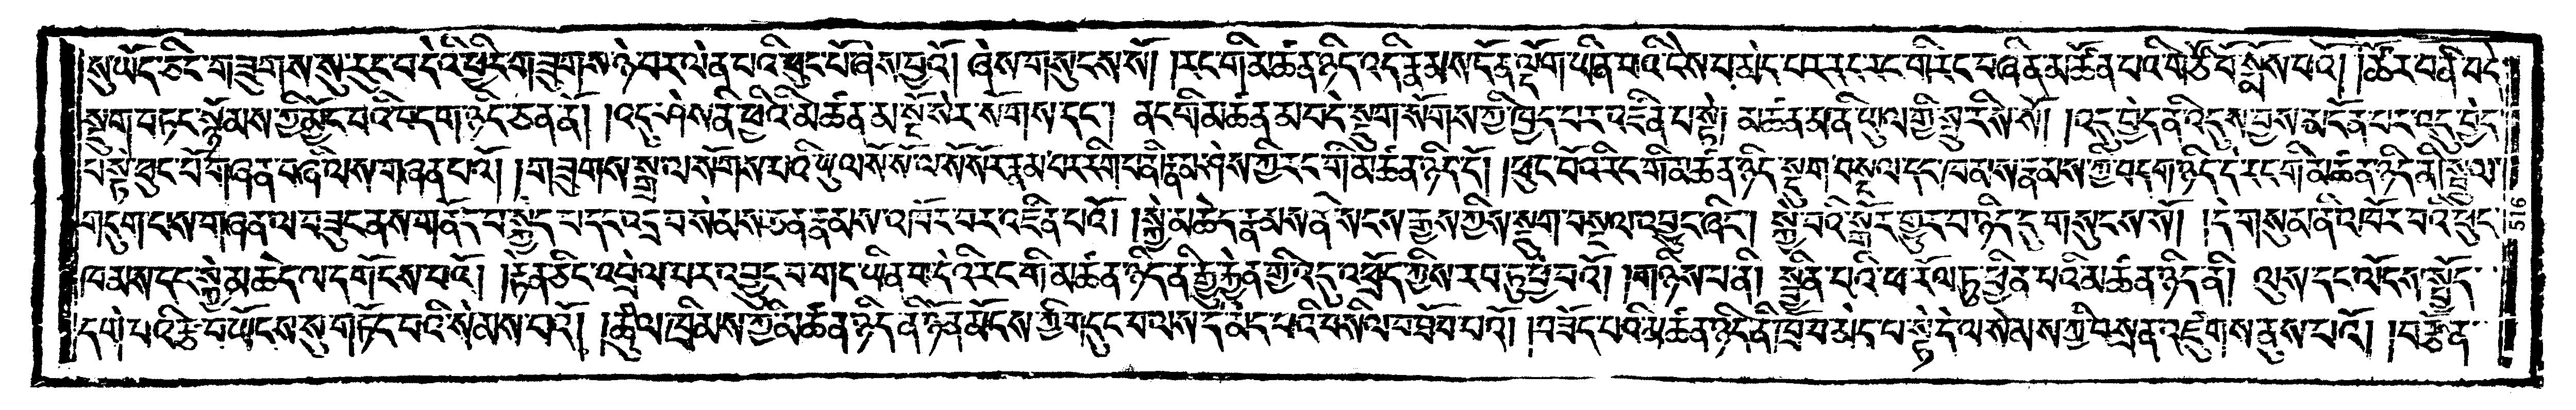སུ་ཡོད་ཅིང་གཟུགས་སུ་རུང་བ་དེའི་ཕྱིར་གཟུགས་ཉེ་བར་ལེན་པའི་ཕུང་པོ་ཞེས་བྱའོ། ཞེས་གསུངས་སོ། །རང་གི་མཚན་ཉིད་འདི་རྣམས་དོན་ལྡོག་ཡིན་པའི་ངེས་པ་མེད་པར་རང་རང་གི་རང་བཞིན་མཚོན་པའི་གཙོ་བོ་སྨོས་པའོ། །ཚོར་བ་ནི་བདེ་
སྡུག་བཏང་སྙོམས་ཀྱི་མྱོང་བའི་བདག་ཉིད་ཅན་ནོ། །འདུ་ཤེས་ནི་ཕྱིའི་མཚན་མ་སྔོ་སེར་སོགས་དང་། ནང་གི་མཚན་མ་བདེ་སྡུག་སོགས་ཀྱི་ཁྱད་པར་འཛིན་པ་སྟེ། མཚན་མ་ནི་ཡུལ་གྱི་སྤུ་རིས་སོ། །འདུ་བྱེད་ནི་འདུས་བྱས་མངོན་པར་འདུ་བྱེད་
པ་སྟེ་ཕུང་པོ་གཞན་བཞི་ལས་གཞན་པའོ། །གཟུགས་སྒྲ་ལ་སོགས་པའི་ཡུལ་སོ་སོ་ལ་སོ་སོར་རྣམ་པར་རིག་པ་ནི། རྣམ་ཤེས་ཀྱི་རང་གི་མཚན་ཉིད་དོ། །ཕུང་པོའི་རང་གི་མཚན་ཉིད་སྡུག་བསྔལ་དང་ཁམས་རྣམས་ཀྱི་བདག་ཉིད་དེ་རང་གི་མཚན་ཉིད་ནི། སྦྲུལ་
གདུག་པས་གཞན་ལ་བཟུང་ནས་གནོད་པ་སྐྱེད་པ་དང་འདྲ་བ་སེམས་ཅན་རྣམས་འཁོར་བར་འཛིན་པའོ། །སྐྱེ་མཆེད་རྣམས་ནི་སངས་རྒྱས་ཀྱིས་སྡུག་བསྔལ་འབྱུང་ཞིང་། སྐྱེ་བའི་སྒོར་གྱུར་པ་ཉིད་དུ་གསུངས་སོ། །དེ་གསུམ་ནི་འཁོར་བའི་ཕུང་
ཁམས་དང་སྐྱེ་མཆེད་ལ་དགོངས་པའོ། །རྟེན་ཅིང་འབྲེལ་པར་འབྱུང་བ་གང་ཡིན་པ་དེའི་རང་གི་མཚན་ཉིད་ནི་རྒྱུ་རྐྱེན་གྱི་འདུ་འཕྲོད་ཀྱིས་རབ་ཏུ་ཕྱེ་བའོ། །གཉིས་པ་ནི། སྦྱིན་པའི་ཕ་རོལ་ཏུ་ཕྱིན་པའི་མཚན་ཉིད་ནི། ལུས་དང་ལོངས་སྤྱོད་
དགེ་བའི་རྩ་བ་ཡོངས་སུ་གཏོང་པའི་སེམས་པའོ། །ཚུལ་ཁྲིམས་ཀྱི་མཚན་ཉིད་ནི་ཉོན་མོངས་ཀྱི་གདུང་བ་ལས་དེ་མེད་པའི་བསིལ་བ་ཐོབ་པའོ། །བཟོད་པའི་མཚན་ཉིད་ནི་ཁྲོ་བ་མེད་པ་སྟེ་དེ་ལ་སེམས་ཀྱི་བསྲན་འཛུགས་ནུས་པའོ། །བརྩོན་